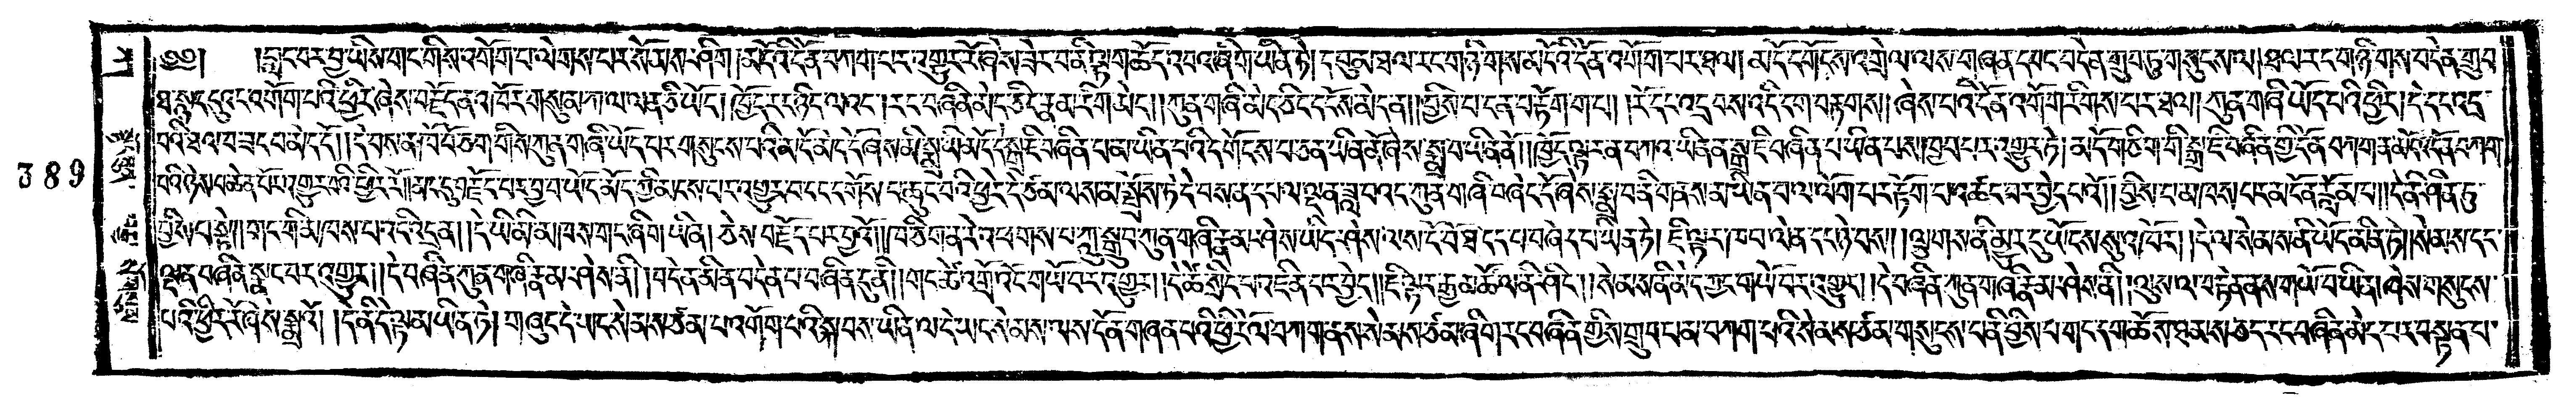༄༅། །བླང་བར་བྱ་ཡིས་གང་གིས་འགོག་བ་ལེགས་བར་སོམས་ཤིག །མདོའི་དོན་བཀག་པར་འགྱུར་རོ་ཞེས་ཟེར་བ་ནི་ལྟག་ཆོད་འབའ་ཞིག་ཡིན་ཏེ། དབུ་མ་ཐལ་རང་གཉི་གས་མདོའི་དོན་འགོག་པར་ཐལ། མདོ་དགོངས་འགྲེལ་ལས་གཞན་དབང་བདེན་གྲུབ་ཏུ་གསུངས་ལ། ཐལ་རང་གཉི་གས་བདེན་གྲུབ་
ཐ་སྙད་དུའང་འགོག་པའི་ཕྱིར་ཞེས་བརྗོད་ན་འཁོར་གསུམ་ཀ་ལ་ལན་ཅི་ཡོད། ཁྱོད་རང་ཉིད་ལའང་། རང་བཞིན་མེད་ཅིང་རྣམ་རིག་མེད། །ཀུན་གཞི་མེད་ཅིང་དངོས་མེད་ན། །བྱིས་པ་ངན་པ་རྟོག་ག་པ། །རོ་དང་འདྲ་བས་འདི་དག་བརྟགས། ཞེས་པའི་དོན་འགོག་རིགས་པར་ཐལ། ཀུན་གཞི་ཡོད་པའི་ཕྱིར། དེ་དང་འདྲ་
བའི་ཐལ་བཟང་བ་མེད་དོ། །དེ་བས་ན་ཁོ་བོ་ཅག་གིས་ཀུན་གཞི་ཡོད་པར་གསུངས་པའི་མདོ་མེད་དོ་ཞེས་མི་སྨྲ་ཡི་མོད་དེ་སྒྲ་ཇི་བཞིན་པ་མ་ཡིན་པའི་དགོངས་པ་ཅན་ཡིན་ནོ་ཞེས་སྨྲ་བ་ཡིན་ནོ། །ཁྱོད་ལྟར་ན་བཀའ་ཡིན་ན་སྒྲ་ཇི་བཞིན་པ་ཡིན་པས་ཁྱབ་པར་འགྱུར་ཏེ། མདོ་གཅིག་གི་སྒྲ་ཇི་བཞིན་གྱི་དོན་བཀག་ན་མདོ་འདོན་བཀག་
བའི་ཉེས་པ་ཆེན་པོར་འགྱུར་བའི་ཕྱིར་རོ། །མང་དུ་བརྗོད་པར་བྱ་བ་ཡོད་མོད་ཀྱི་མངས་པར་འགྱུར་བ་དང་དགོས་པ་ཆུང་བའི་ཕྱིར་དེ་ཙམ་ལས་མ་སྤྲོས་ཏེ་དེ་བས་ན་དཔལ་ལྡན་ཟླ་བའང་ཀུན་གཞི་བཞེད་དོ་ཞེས་སྨྲ་བ་ནི་གནས་མ་ཡིན་བ་ལ་ལོག་པར་རྟོག་པ་འཚང་བར་བྱེད་པའོ། །བྱིས་པ་མཁས་པར་མངོན་རློམ་པ། །དེ་ནི་ཤིན་ཏུ་
བྱིས་བ་སྟེ། །གང་གི་མཁས་པ་འདི་འདྲ་ན། །དེ་ཡི་མི་མཁས་གང་ཞིག་ཡིན། ཅེས་བརྗོད་པར་བྱའོ། །ཁ་ཅིག་ན་རེ་འཕགས་པ་ཀླུ་སྒྲུབ་ཀུན་གཞི་རྣམ་ཤེས་ཡིད་ཤེས་ལས་ངོ་བོ་ཐ་དད་པ་བཞེད་པ་ཡིན་ཏེ། ཇི་ལྟར་ཁབ་ལེན་དང་ཉེ་བས། །ལྕགས་ནི་མྱུར་དུ་ཡོངས་སུ་འཁོར། །དེ་ལ་སེམས་ནི་ཡོད་མིན་ཏེ། །སེམས་དང་
ལྡན་བཞིན་སྣང་བར་འགྱུར། །དེ་བཞིན་ཀུན་གཞི་རྣམ་ཤེས་ནི། །བདེན་མིན་བདེན་པ་བཞིན་དུ་ནི། །གང་ཚེ་འགྲོ་འོང་གཡོ་བར་འགྱུར། །དེ་ཚེ་སྲིད་པ་འཛིན་པར་བྱེད། །ཇི་ལྟར་རྒྱ་མཚོ་ལ་ནི་ཤིང་། །སེམས་ནི་མེད་ཀྱང་གཡོ་བར་འགྱུར། །དེ་བཞིན་ཀུན་གཞི་རྣམ་ཤེས་ནི། །ལུས་ལ་བརྟེན་ནས་གཡོ་བ་ཡིན། ཞེས་གསུངས་
པའི་ཕྱིར་རོ་ཞེས་སྨྲའོ། །དེ་ནི་དེ་ལྟ་མ་ཡིན་ཏེ། གཞུང་དེ་ཡང་སེམས་ཙམ་པ་འགོག་པའི་སྐབས་ཡིན་ལ་དེ་ཡང་སེམས་ལས་དོན་གཞན་པའི་ཕྱི་རོལ་བཀག་ནས་སེམས་ཙམ་ཞིག་རང་བཞིན་གྱིས་གྲུབ་པ་མ་བཀག་པའི་སེམས་ཙམ་གསུངས་པ་ནི་བྱིས་པ་གང་དག་ཆོས་ཐམས་ཅད་རང་བཞིན་མེད་པར་བསྟན་པ་